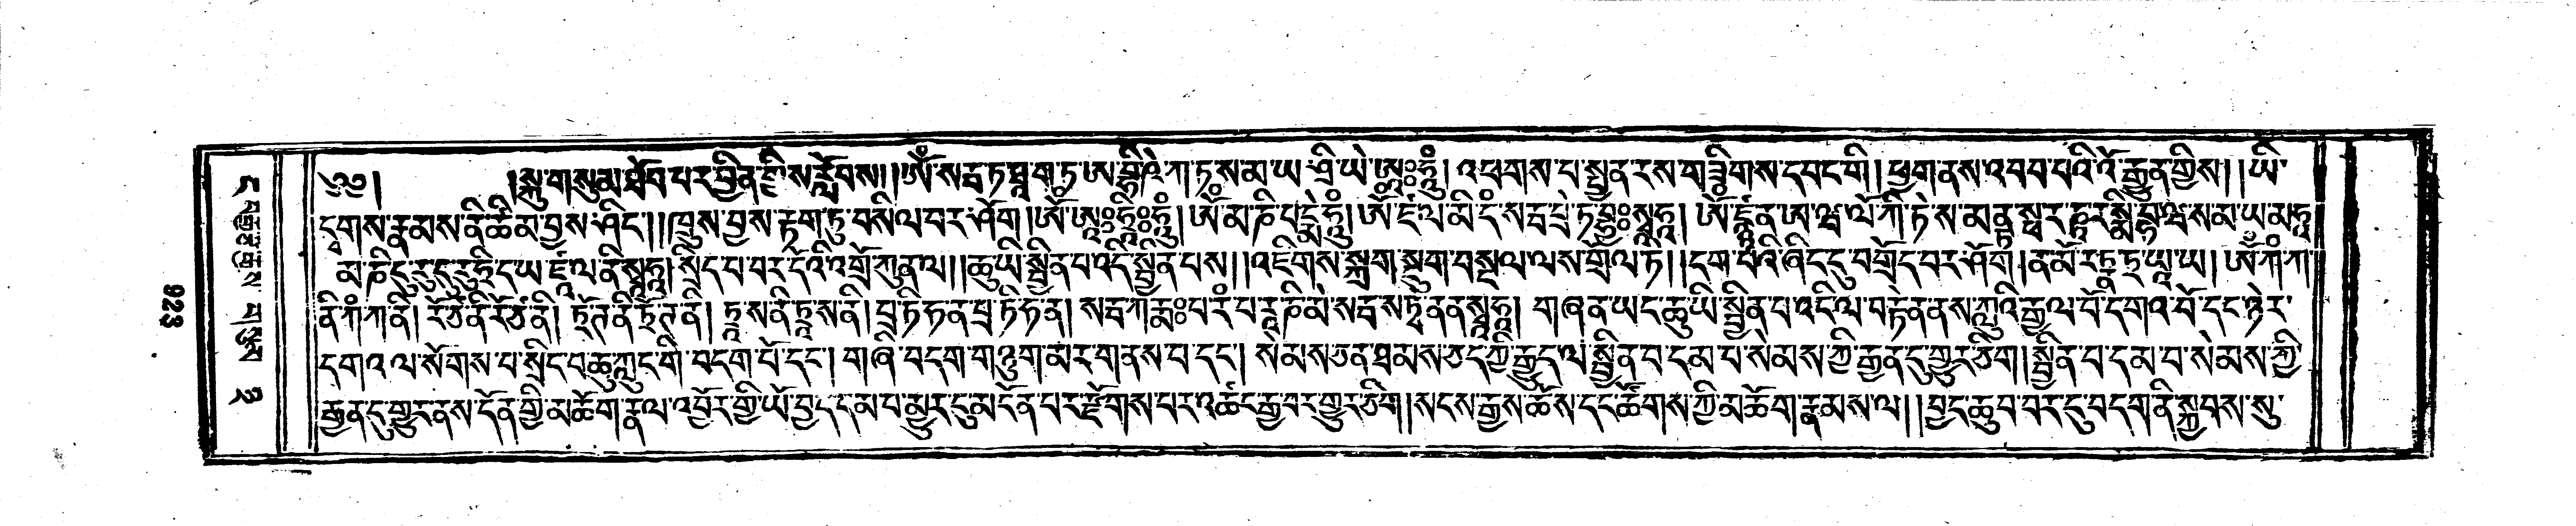༄༅། །སྐུ་གསུམ་ཐོབ་པར་བྱིན་གྱིས་རློབས། །ཨོཾ་སརྦ་ཏ་ཐཱ་ག་ཏ་ཨ་བྷི་ཥེ་ཀ་ཏ་ས་མ་ཡ་ཤྲི་ཡེ་ཨཝཱཿ ཧཱུཾ། འཕགས་པ་སྤྱན་རས་གཟིགས་དབང་གི །ཕྱག་ནས་འབབ་པའི་འོ་རྒྱུན་གྱིས། །ཡི་
དྭགས་རྣམས་ནི་ཚིམ་བྱས་ཤིང་། །ཁྲུས་བྱས་རྟག་ཏུ་བསིལ་བར་ཤོག །ཨོཾ་ཨཱཿ ཧྲཱིཿ ཧཱུཾ། ཨོཾ་མ་ཎི་པདམེ་ཧཱུཾ། ཨོཾ་ཛ་ལ་མི་དཾ་སརྦ་པྲེ་ཏ་བྷྱཿ སྭཱཧཱ། ཨོཾ་ཛྙ་ན་ཨ་ཝ་ལོ་ཀི་ཏེ་ས་མནྟ་སྥ་ར་ཎཱ་ར་སྨི་བྷ་ཝས་མ་ཡ་མཧཱ་
མ་ཎི་དུ་རུ་དུ་རུ་ཧྲི་ད་ཡ་ཛཱ་ལ་ནི་སྭཱཧཱ། སྲིད་པ་བར་དོའི་འགྲོ་ཀུན་ལ། །ཆུ་ཡི་སྦྱིན་པ་འདི་སྦྱིན་པས། །འཇིགས་སྐྲག་སྡུག་བསྔལ་ལས་གྲོལ་ཏེ། །དག་པའི་ཞིང་དུ་བགྲོད་པར་ཤོག །ན་མོ་རཏྣ་ཏྲ་ཡཱ་ཡ། ཨོཾ་ཀཾ་ཀ་
ནི་ཀཾ་ཀ་ནི། རོ་ཙ་ནི་རོ་ཙ་ནི། ཏྲོ་ཊ་ནི་ཏྲོ་ཊ་ནི། ཏྲཱ་ས་ནི་ཏྲཱ་ས་ནི། པྲ་ཏི་ཧ་ན་པྲ་ཏི་ཧ་ན། སརྦ་ཀརྨཿ པ་རཾ་པ་རཱ་ཎི་མ་སརྦ་སཏྭ་ནན་སྭཱཧཱ། གཞན་ཡང་ཆུ་ཡི་སྦྱིན་པ་འདི་ལ་བརྟེན་ནས་ཀླུའི་རྒྱལ་པོ་དགའ་བོ་དང་ཉེར་
དགའ་ལ་སོགས་པ་སྲིད་པ་ཆུ་ཀླུང་གི་བདག་པོ་དང་། གཞི་བདག་གཉུག་མར་གནས་པ་དང་། སེམས་ཅན་ཐམས་ཅད་ཀྱི་རྒྱུད་ལ་སྦྱིན་པ་དམ་པ་སེམས་ཀྱི་རྒྱན་དུ་གྱུར་ཅིག །སྦྱིན་པ་དམ་པ་སེམས་ཀྱི་
རྒྱན་དུ་གྱུར་ནས་དོན་གྱི་མཆོག་རྣལ་འབྱོར་གྱི་ཡོ་བྱད་དམ་པ་མྱུར་དུ་མངོན་པར་རྫོགས་པར་འཚང་རྒྱ་བར་གྱུར་ཅིག །སངས་རྒྱས་ཆོས་དང་ཚོགས་ཀྱི་མཆོག་རྣམས་ལ། །བྱང་ཆུབ་བར་དུ་བདག་ནི་སྐྱབས་སུ་